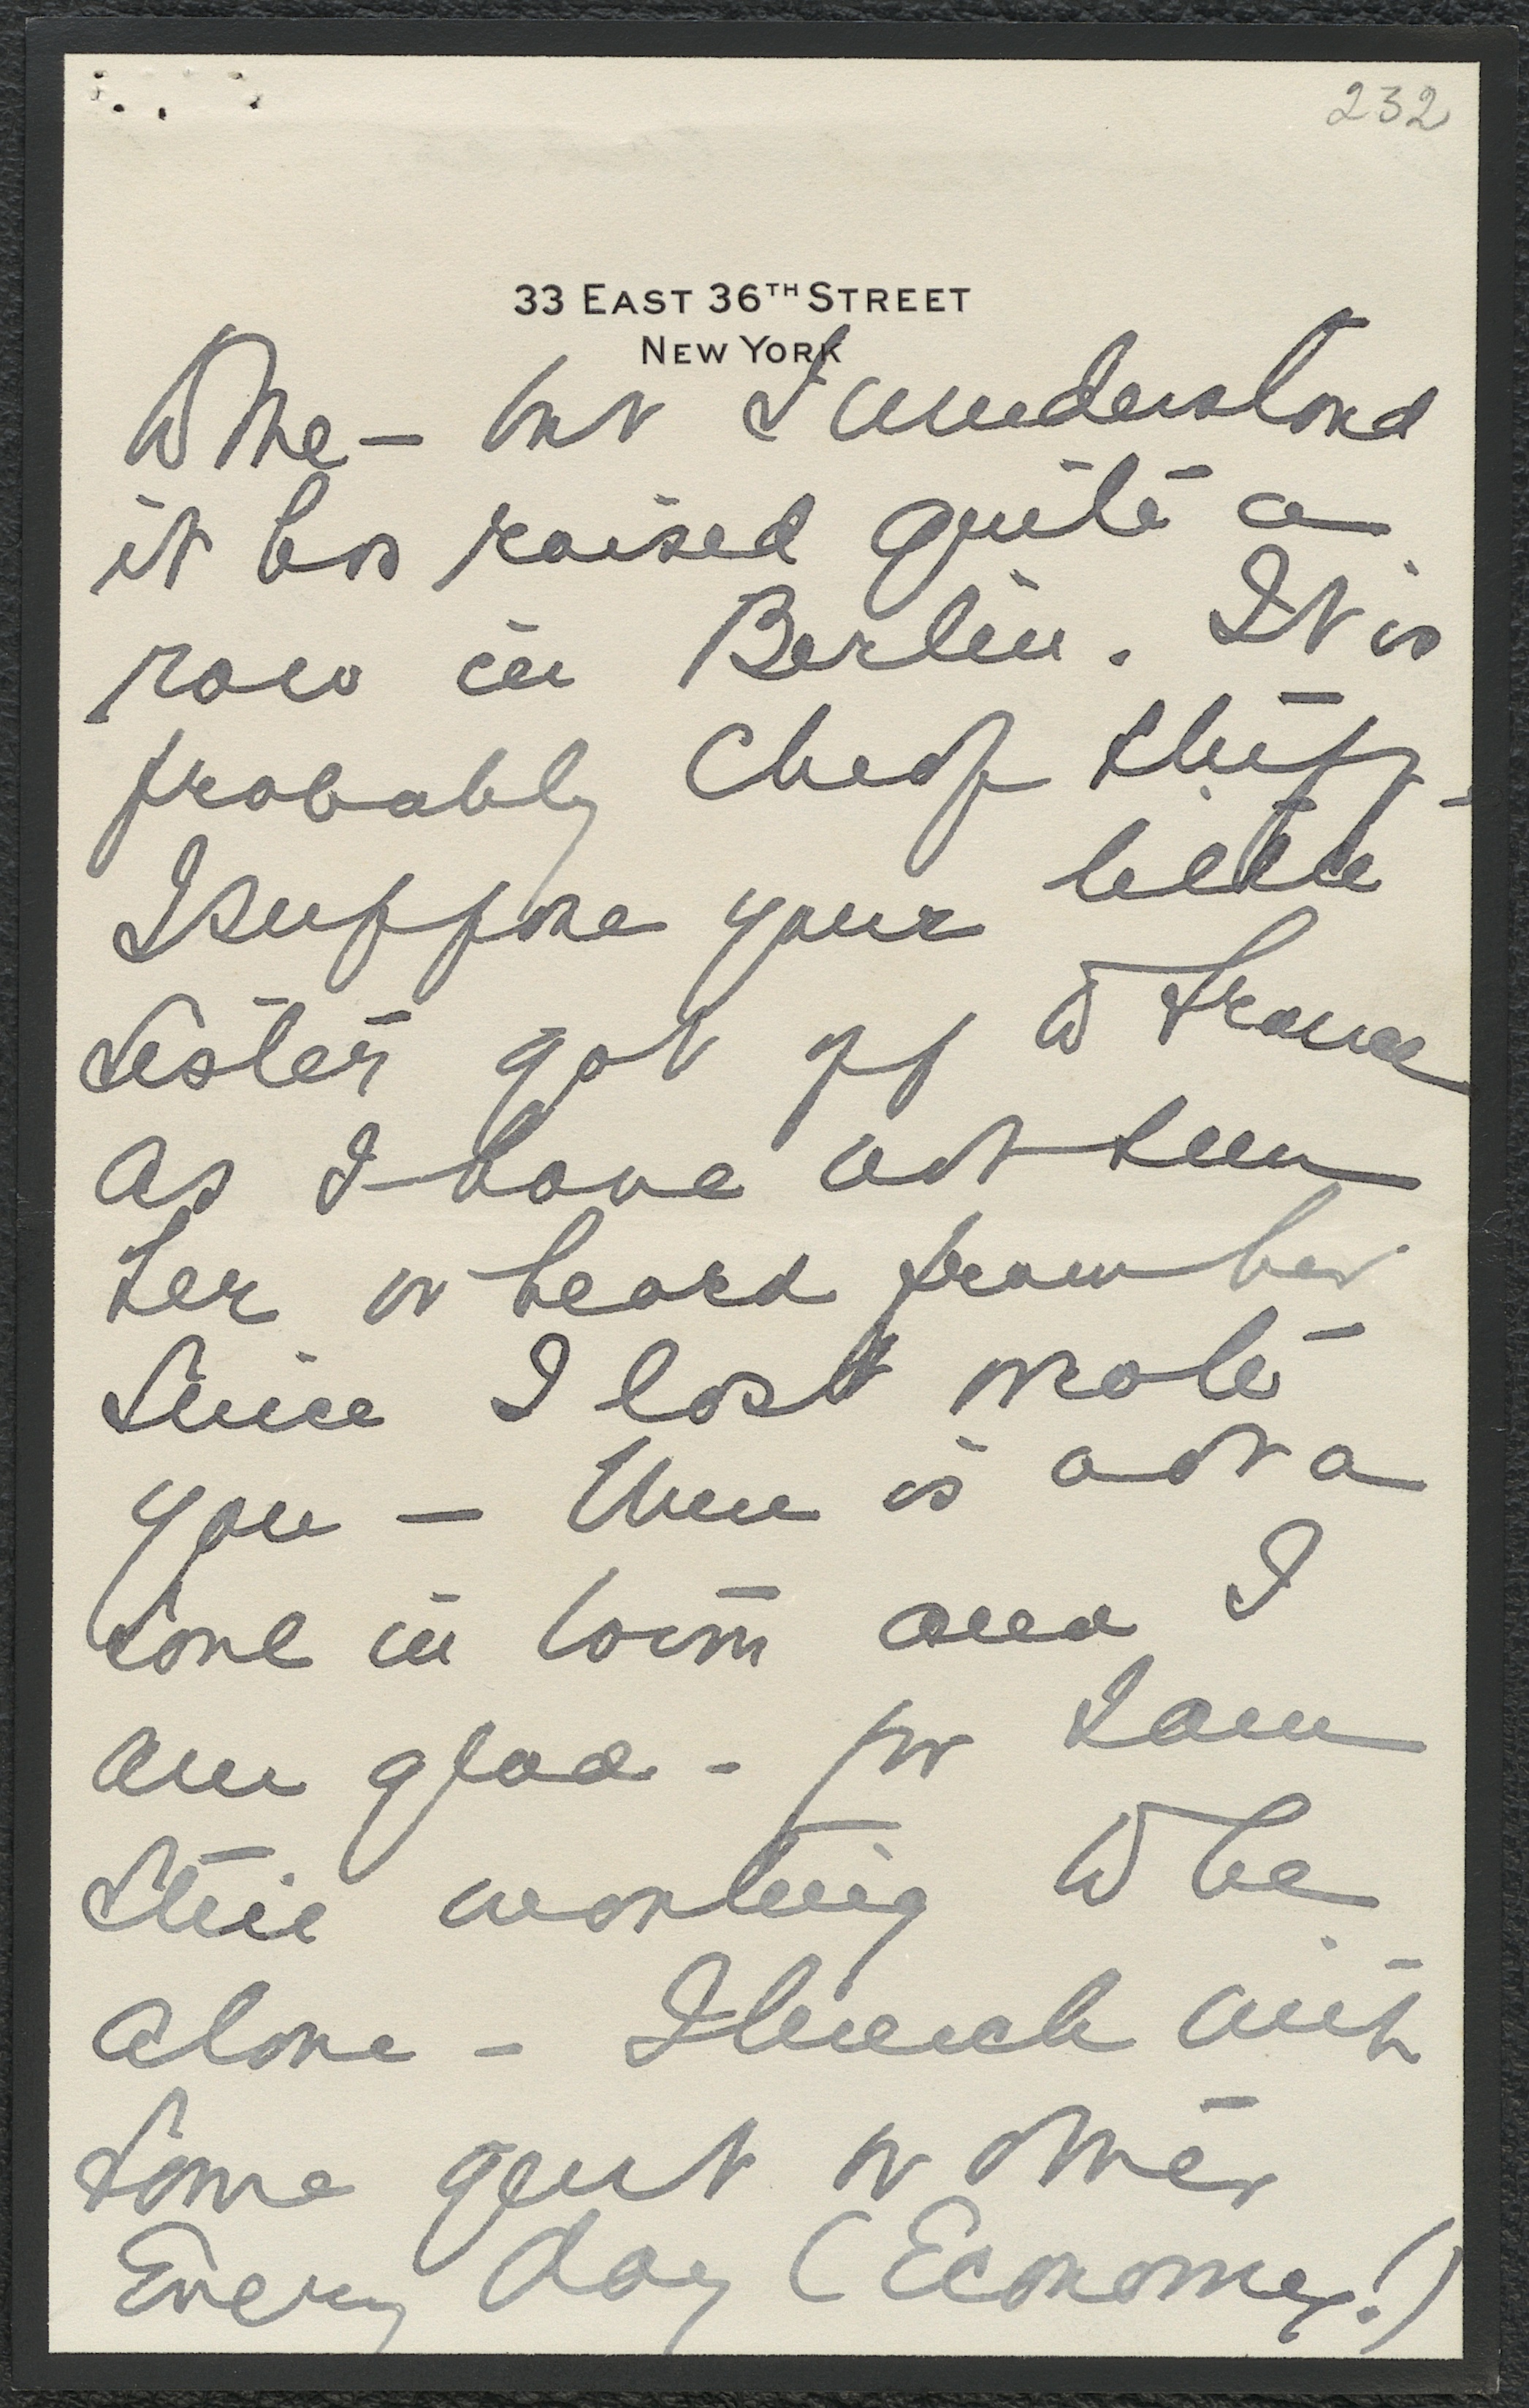to me – but I understand it has raised quite a row in Berlin. It is probably cheap stuff – I suppose your little sister got off to France as I have not seen her or heard from her since I last wrote you – there is not a soul in town and I am glad – for I am still wanting to be alone – I lunch with some gent or other every day (economy!)